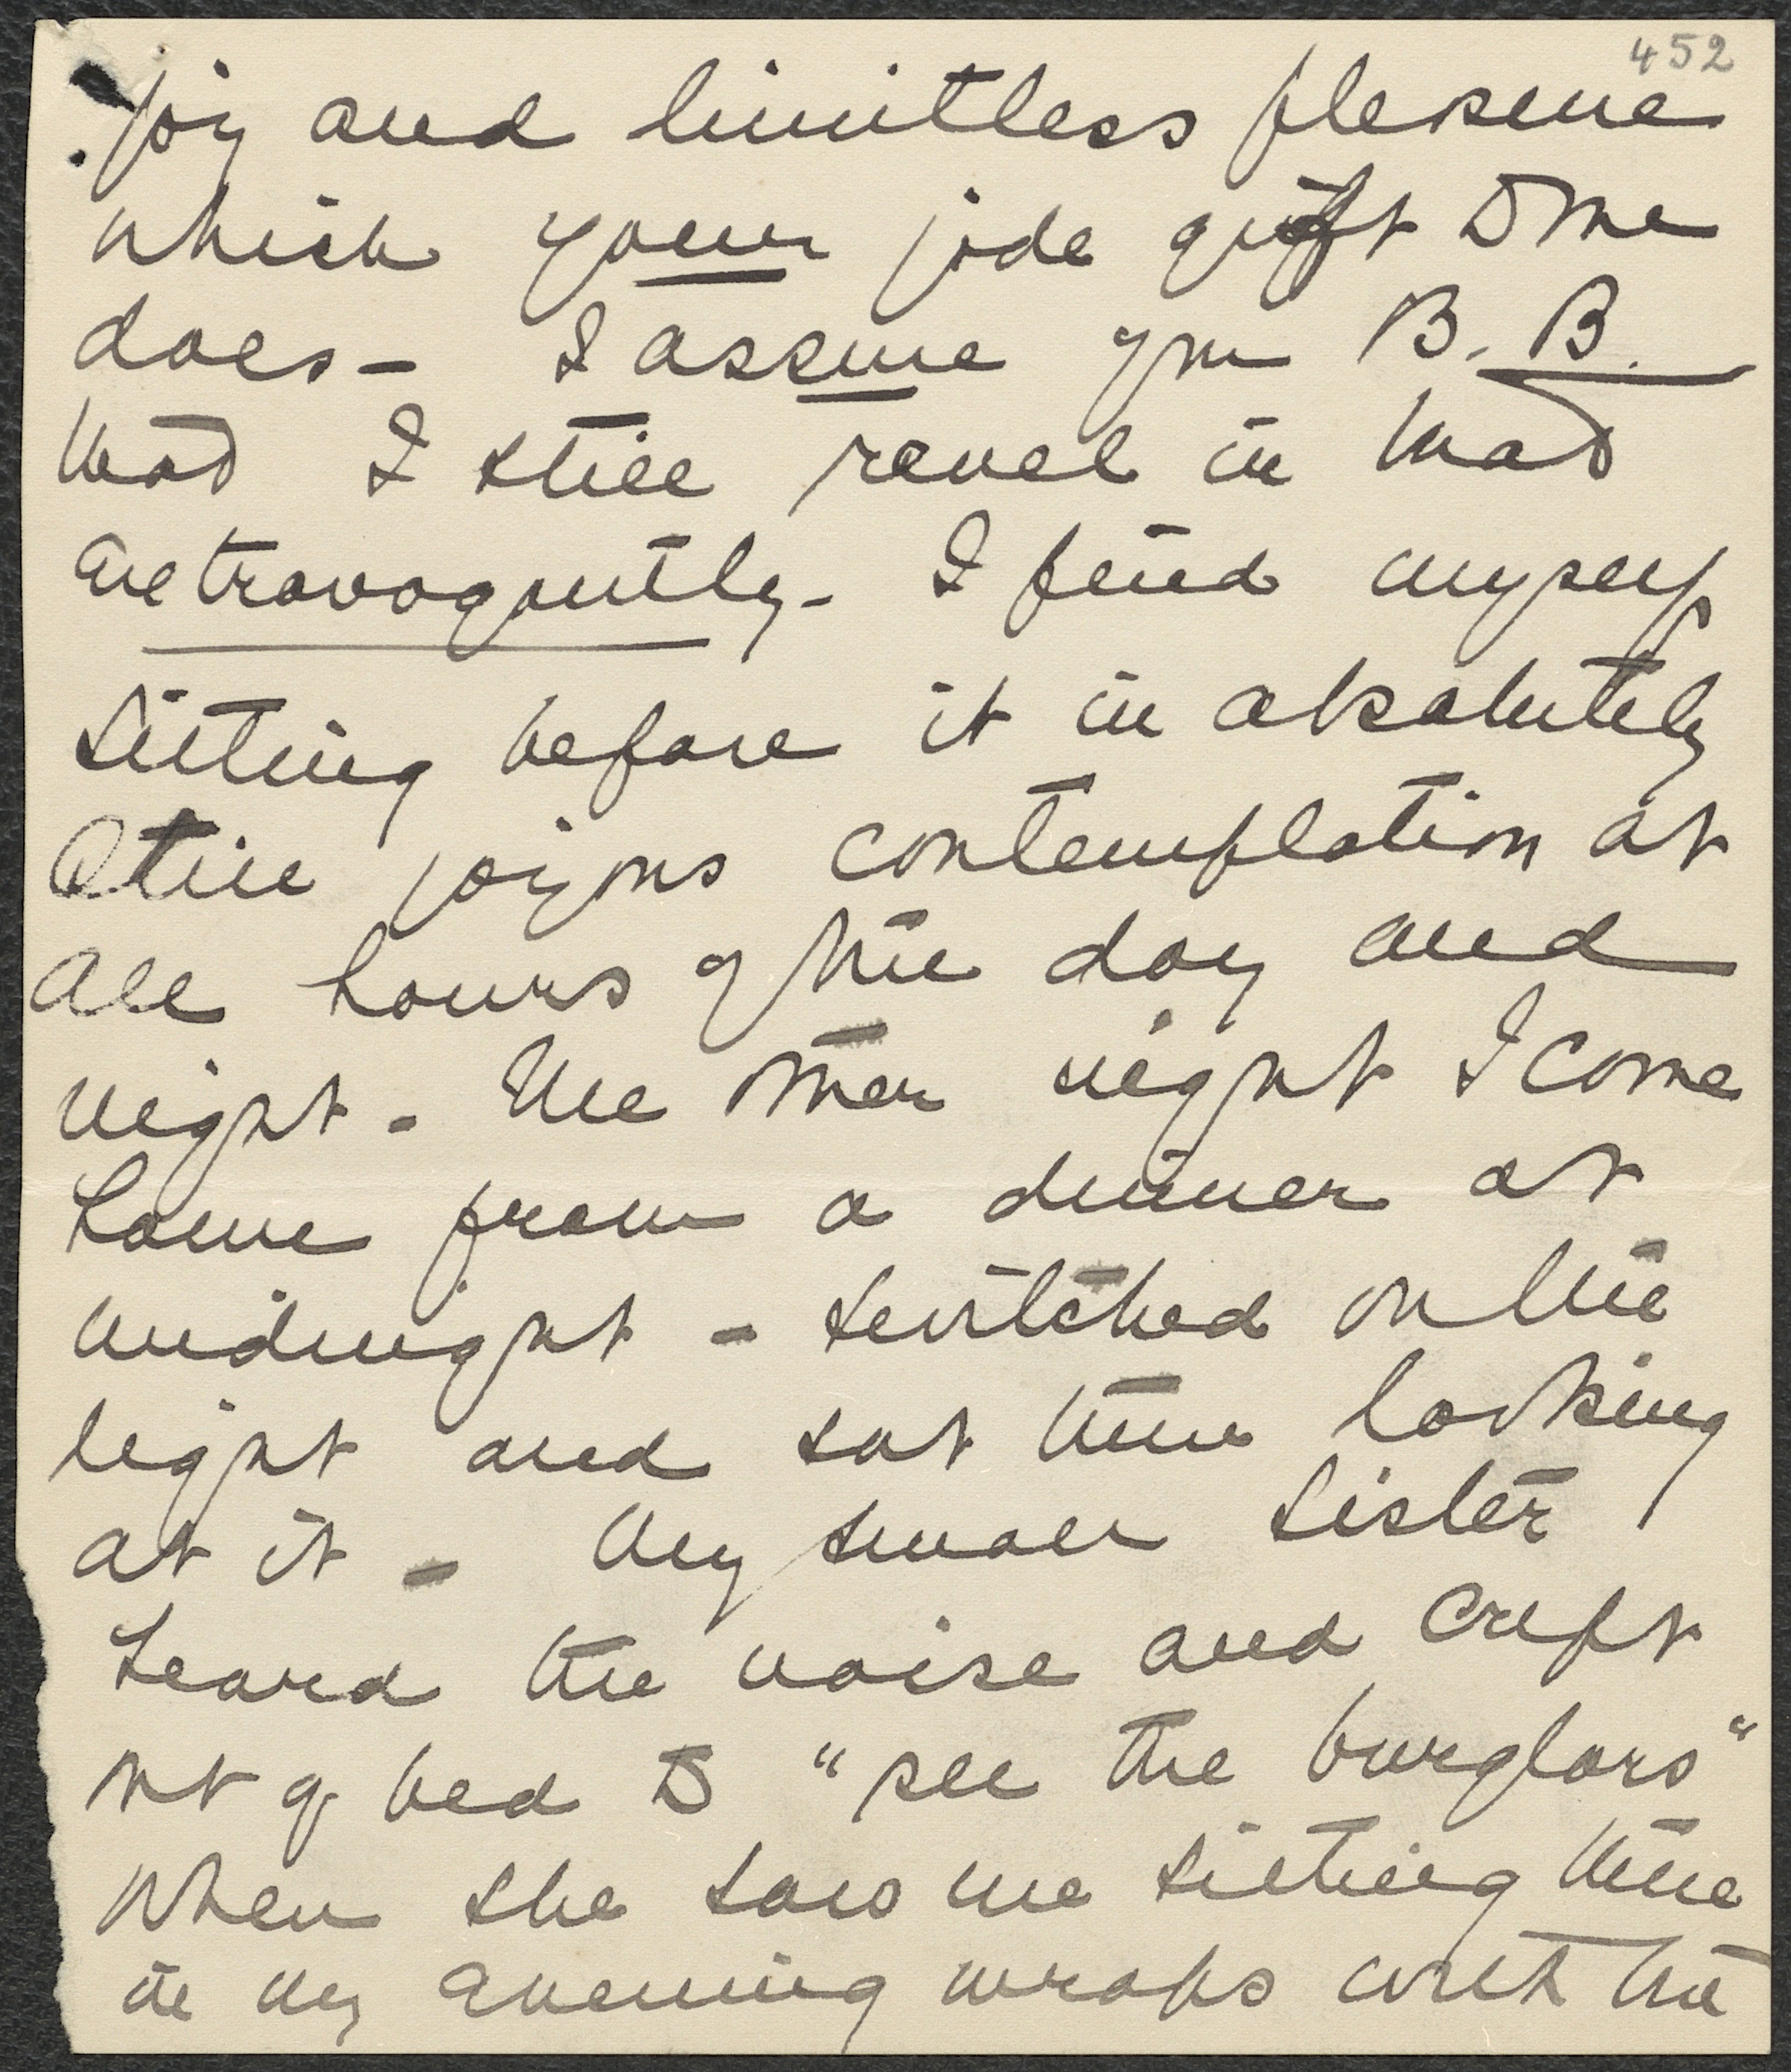joy and limitless pleasure which your jade gift to me does – I assure you B. B. that I still revel in that extravagantly – I find myself sitting before it in absolutely still joyous contemplation at all hours of the day and night – The other night I came home from a dinner at midnight – switched on the light and sat there looking at it – my small sister heard the noise and crept out of bed to “see the burglars” when she saw me sitting there in my evening wraps with the